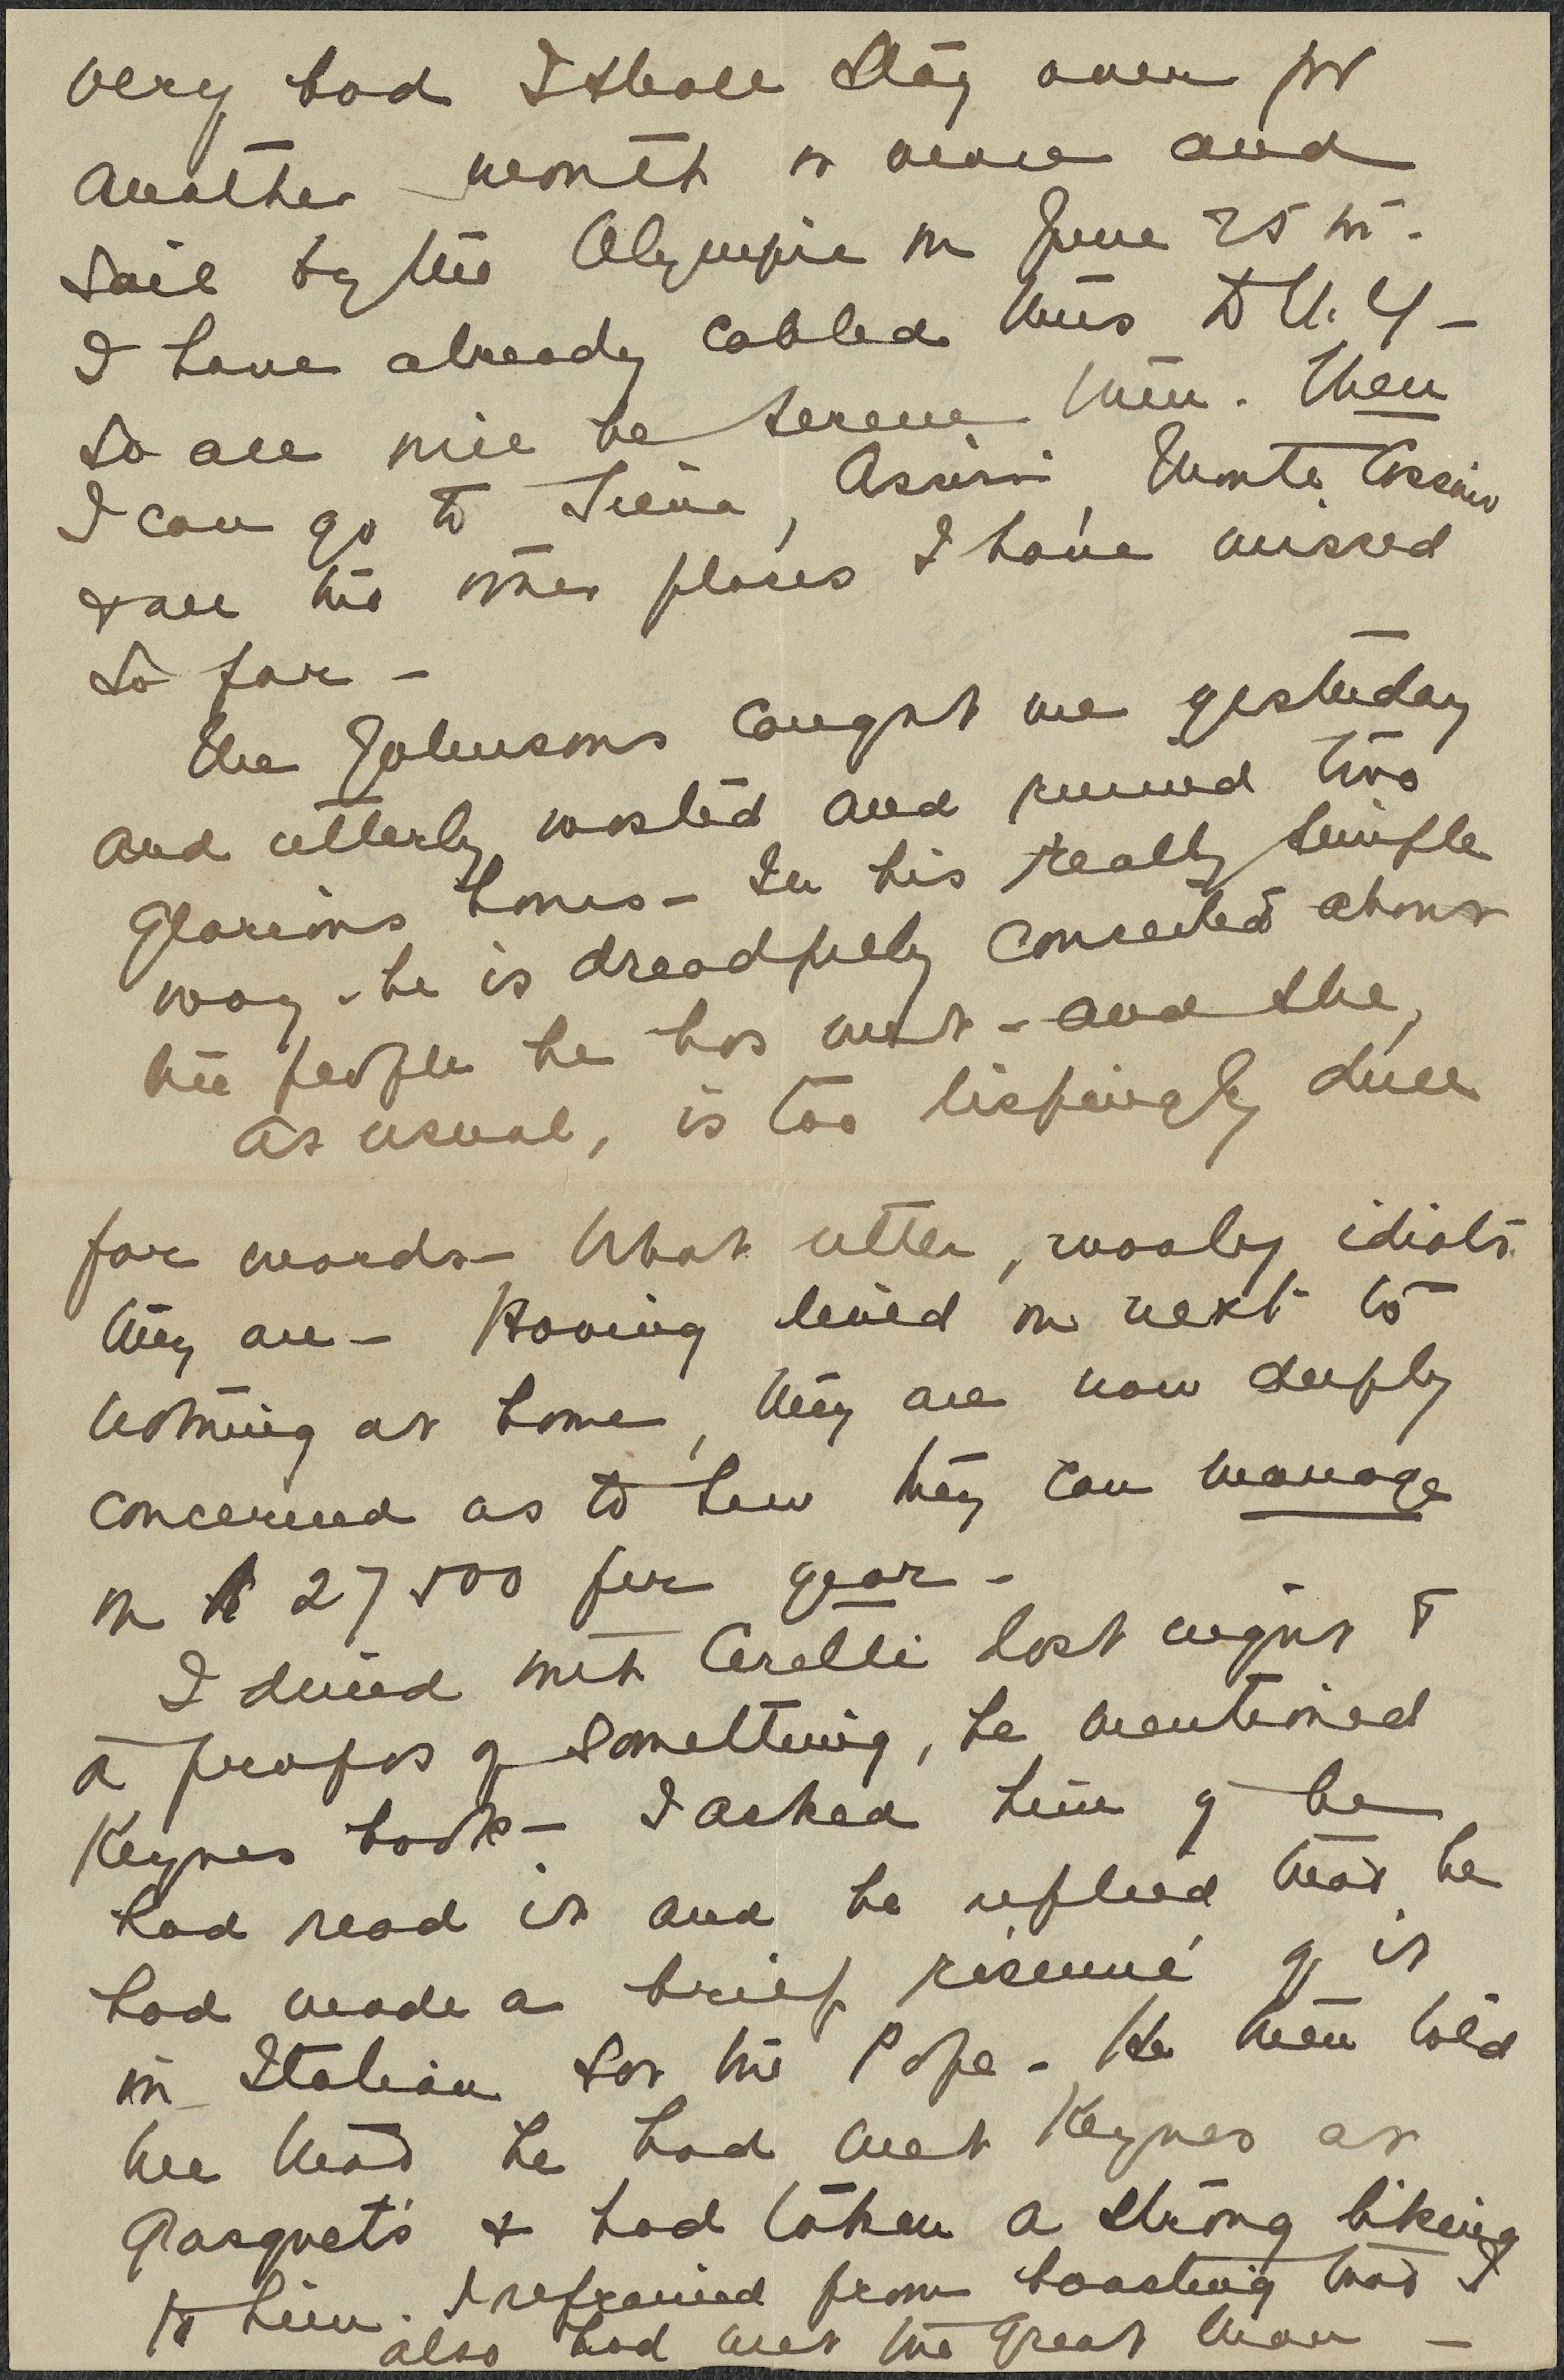very bad I shall stay over for another month or more and sail by the Olympic on June 25th – I have already cabled this to N.Y. – so all will be serene there. Then I can go to Siena, Assisi, Monte Cassino & all the other places I have missed so far –
The Johnsons caught me yesterday and utterly wasted and ruined two glorious hours – In his really simple way – he is dreadfully conceited about the people he has met – and she, as usual, is too lispingly dull for words – what utter, wooly idiots they are – Having lived in next to nothing at home, they are now doubly concerned as to how they can manage on $27500 per year. –
I dined with Cerelli last night & a propos of something, he mentioned Keynes book – I asked him if he had read it and he replied that he had made a brief résumé of it in Italian for the Pope – He then told me that he had met Keynes at Gasquet's & had taken a strong liking to him. I refrained from boasting that I also had met the great man –